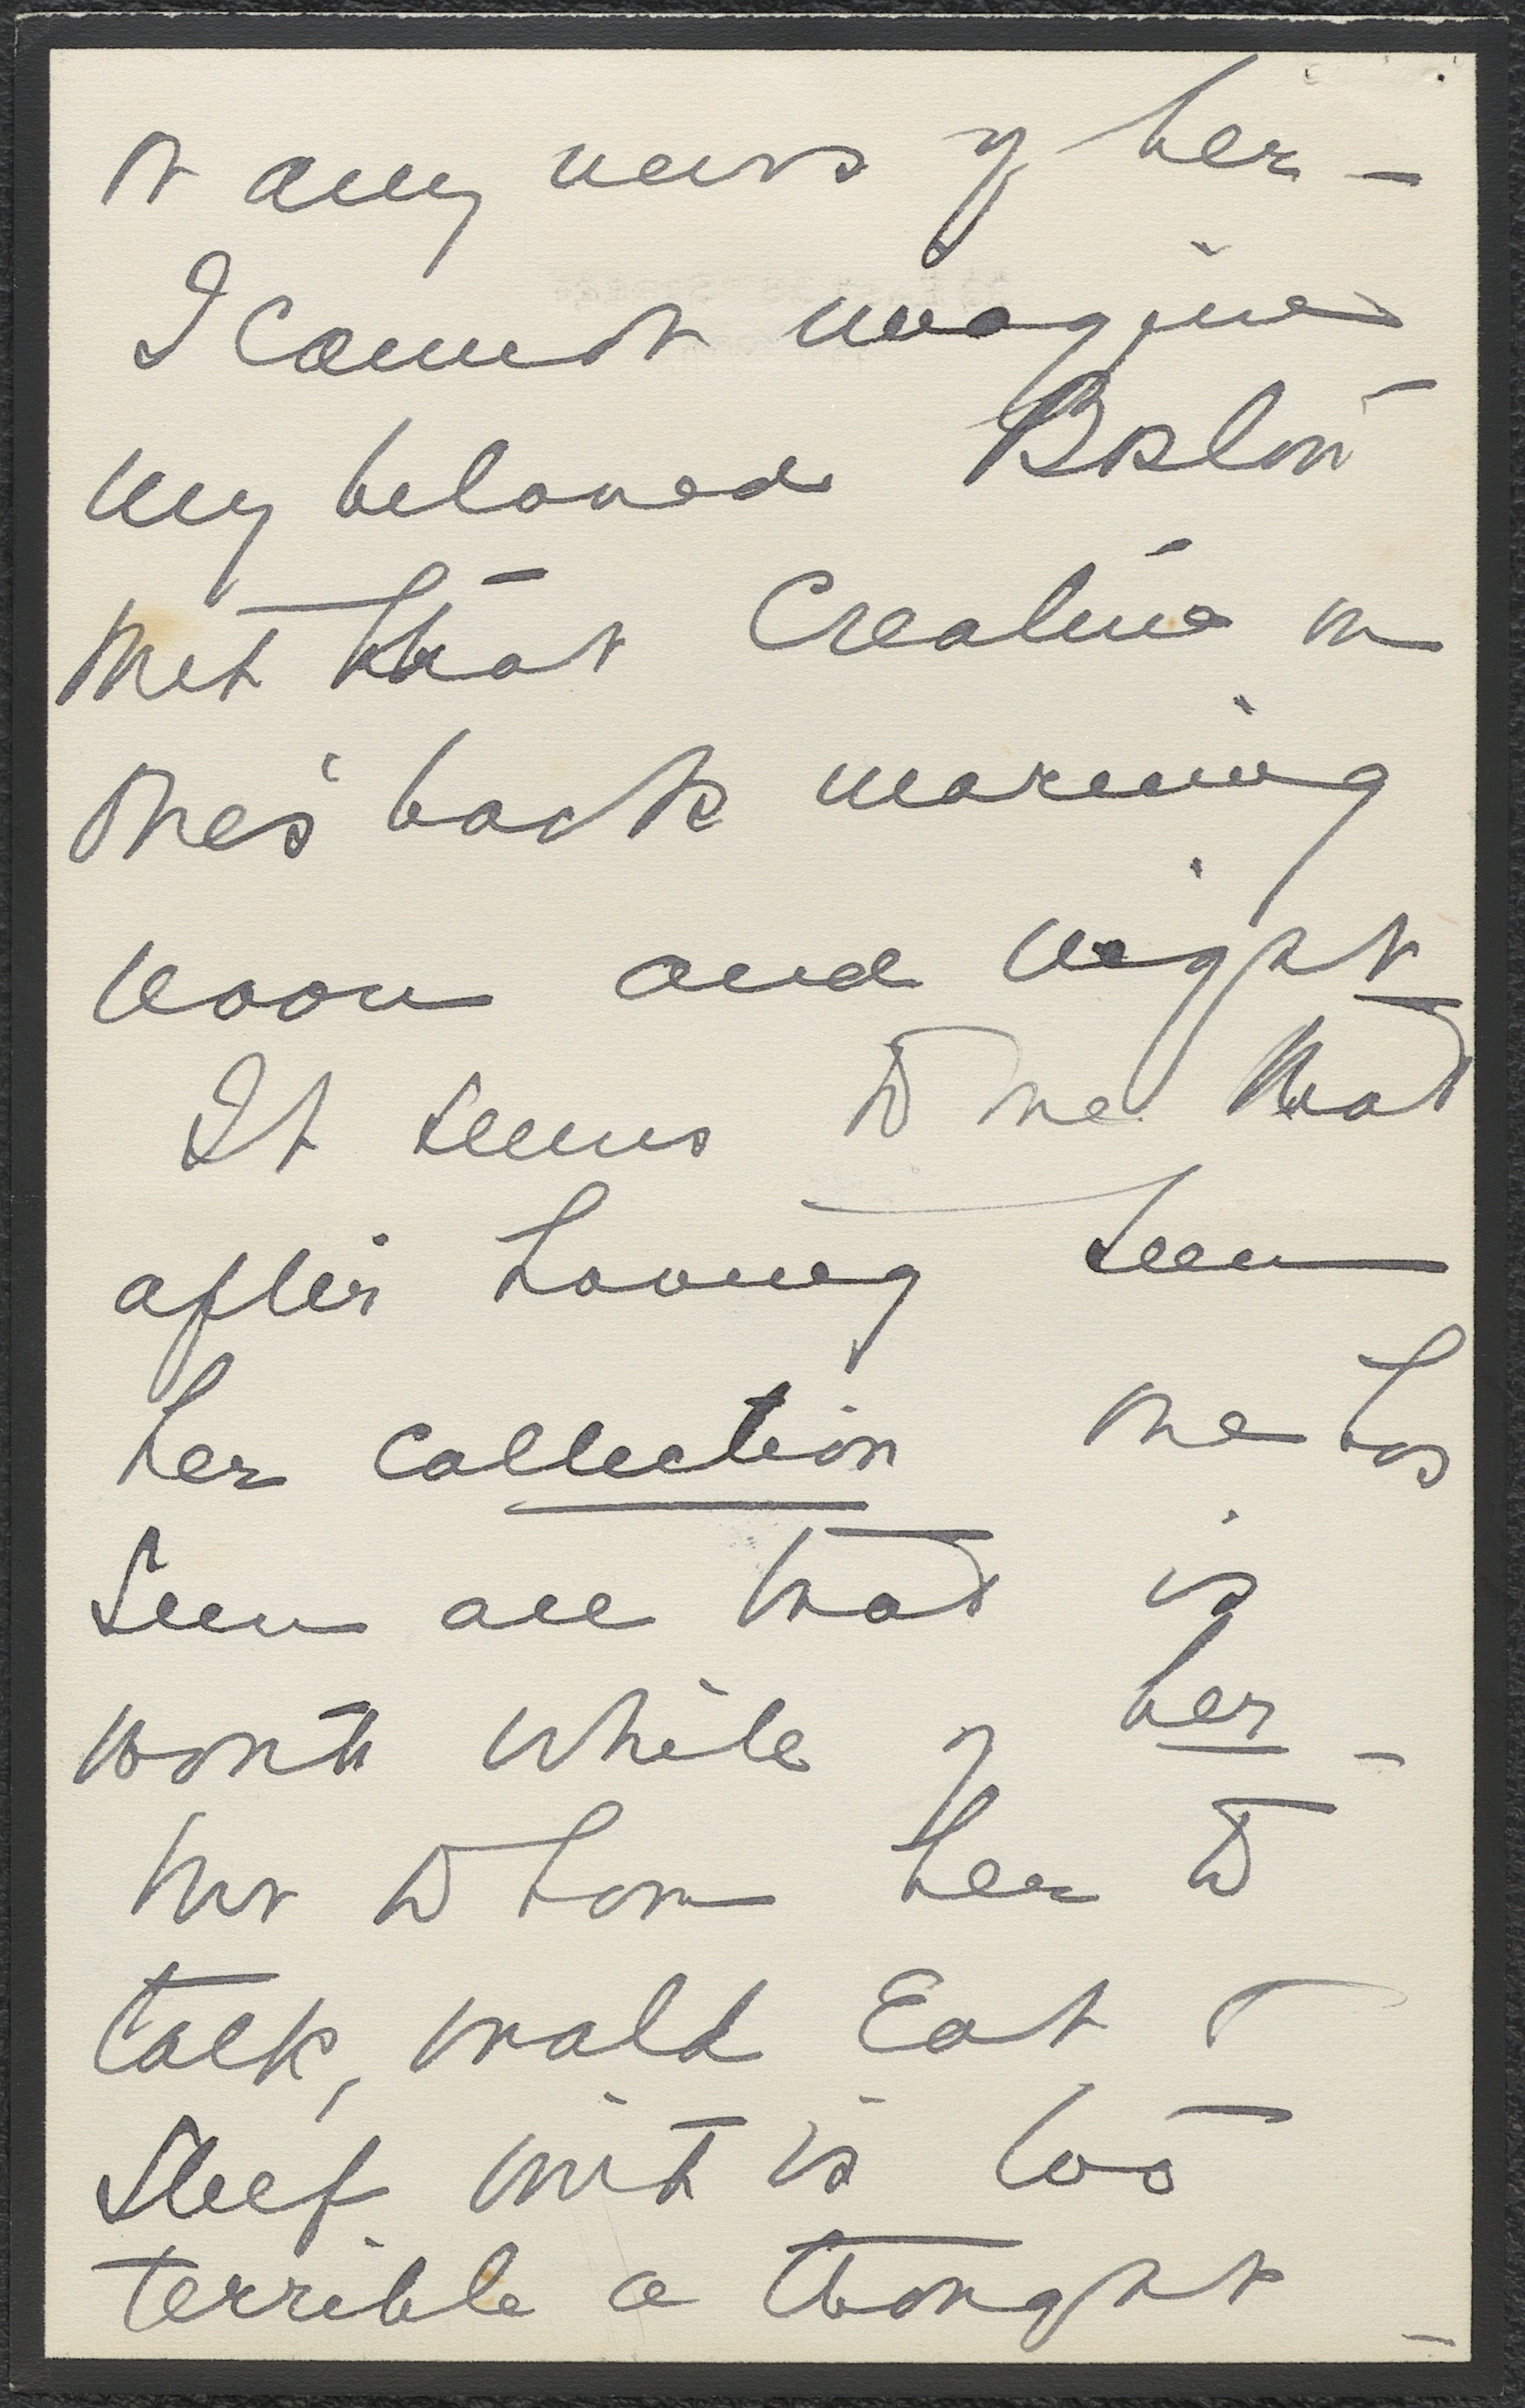or any news of her – I cannot imagine my beloved Boston with that creature on one’s back morning noon and night
It seems to me that after having seen her collection one has seen all that is worth while of her – but to have her to talk, walk eat & sleep with is too terrible a thought